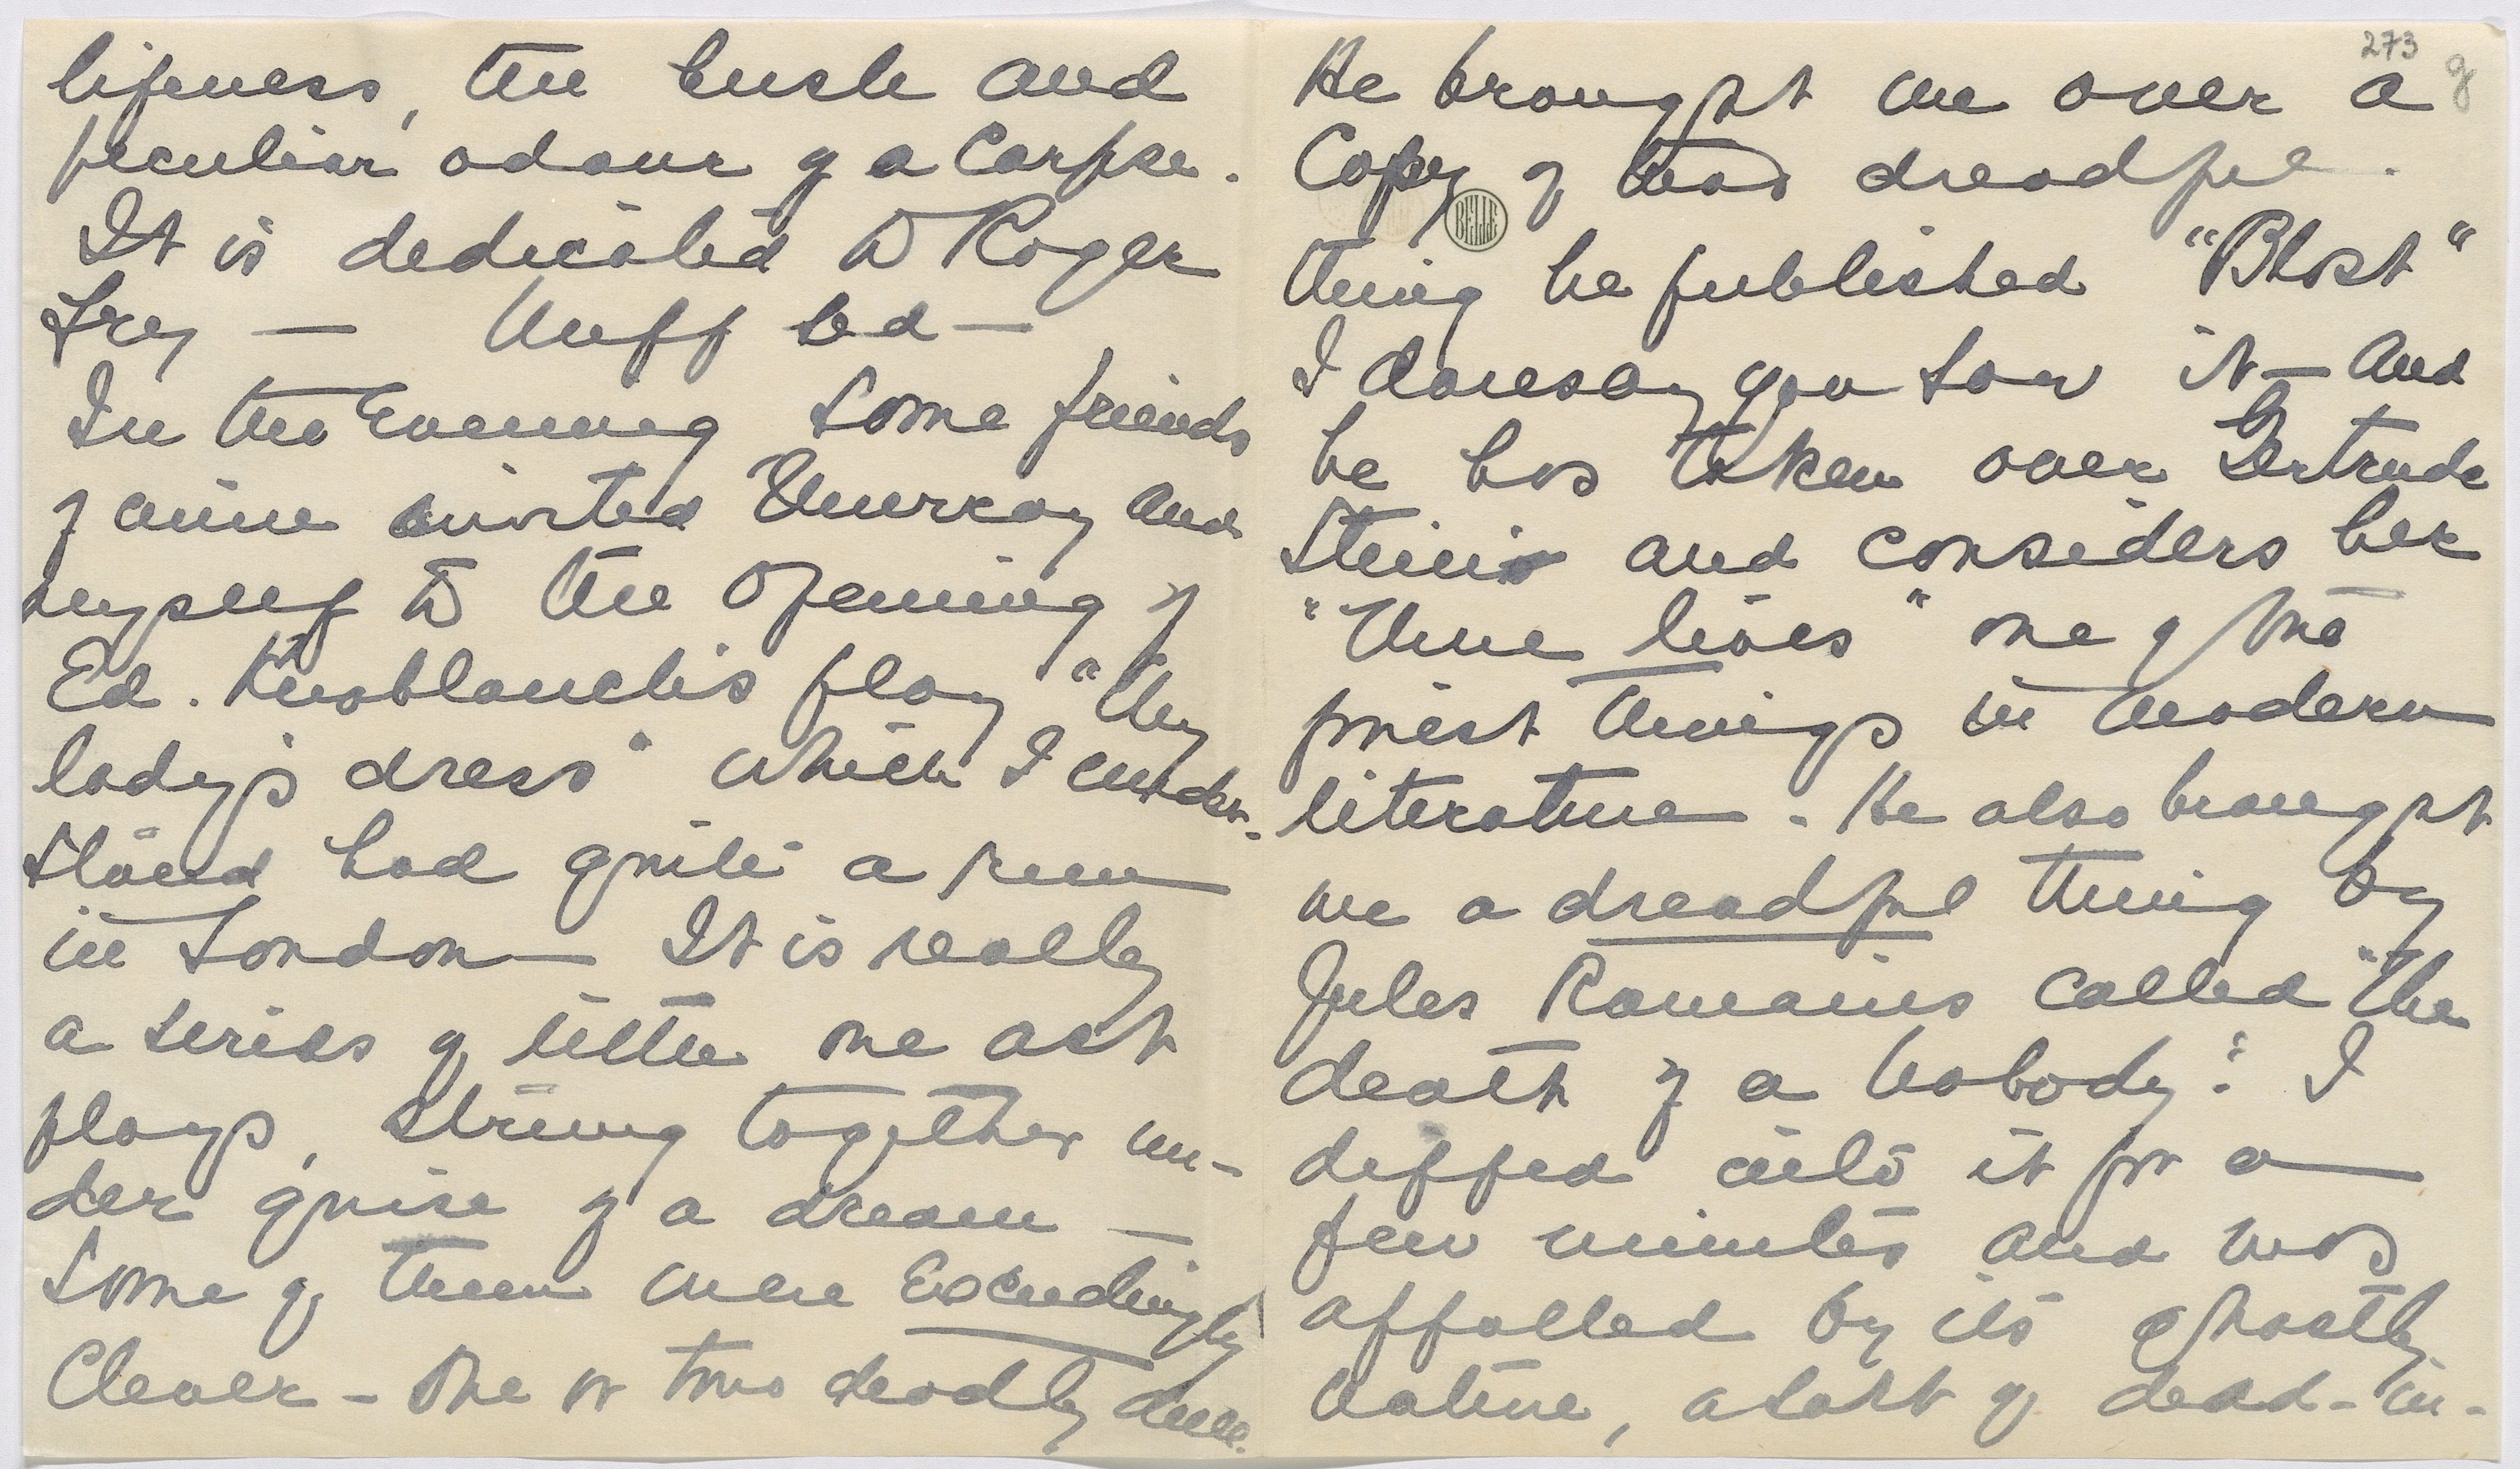He brought me over a copy of that dreadful thing he published “Blast” I daresay you saw it – And he has taken over Gertrude Stein's and considers her “Three lives” one of the finest things in modern literature – He also brought me a dreadful thing by Jules Romains called “The death of a nobody.” I dipped into it for a few minutes and was affected by its ghastly nature, a sort of dead-in-
lifeness, the husk and peculiar odour of a corpse.
It is dedicated to Roger Fry – Nuff sed –
In the evening some friends of mine invited Murray and myself to the opening of Ed Knoblauch’s play “My lady’s dress” which I understand had quite a run in London – It is really a series of little one act plays, strung together under guise of a dream –
Some of them were exceedingly clever – One or two deadly dull.